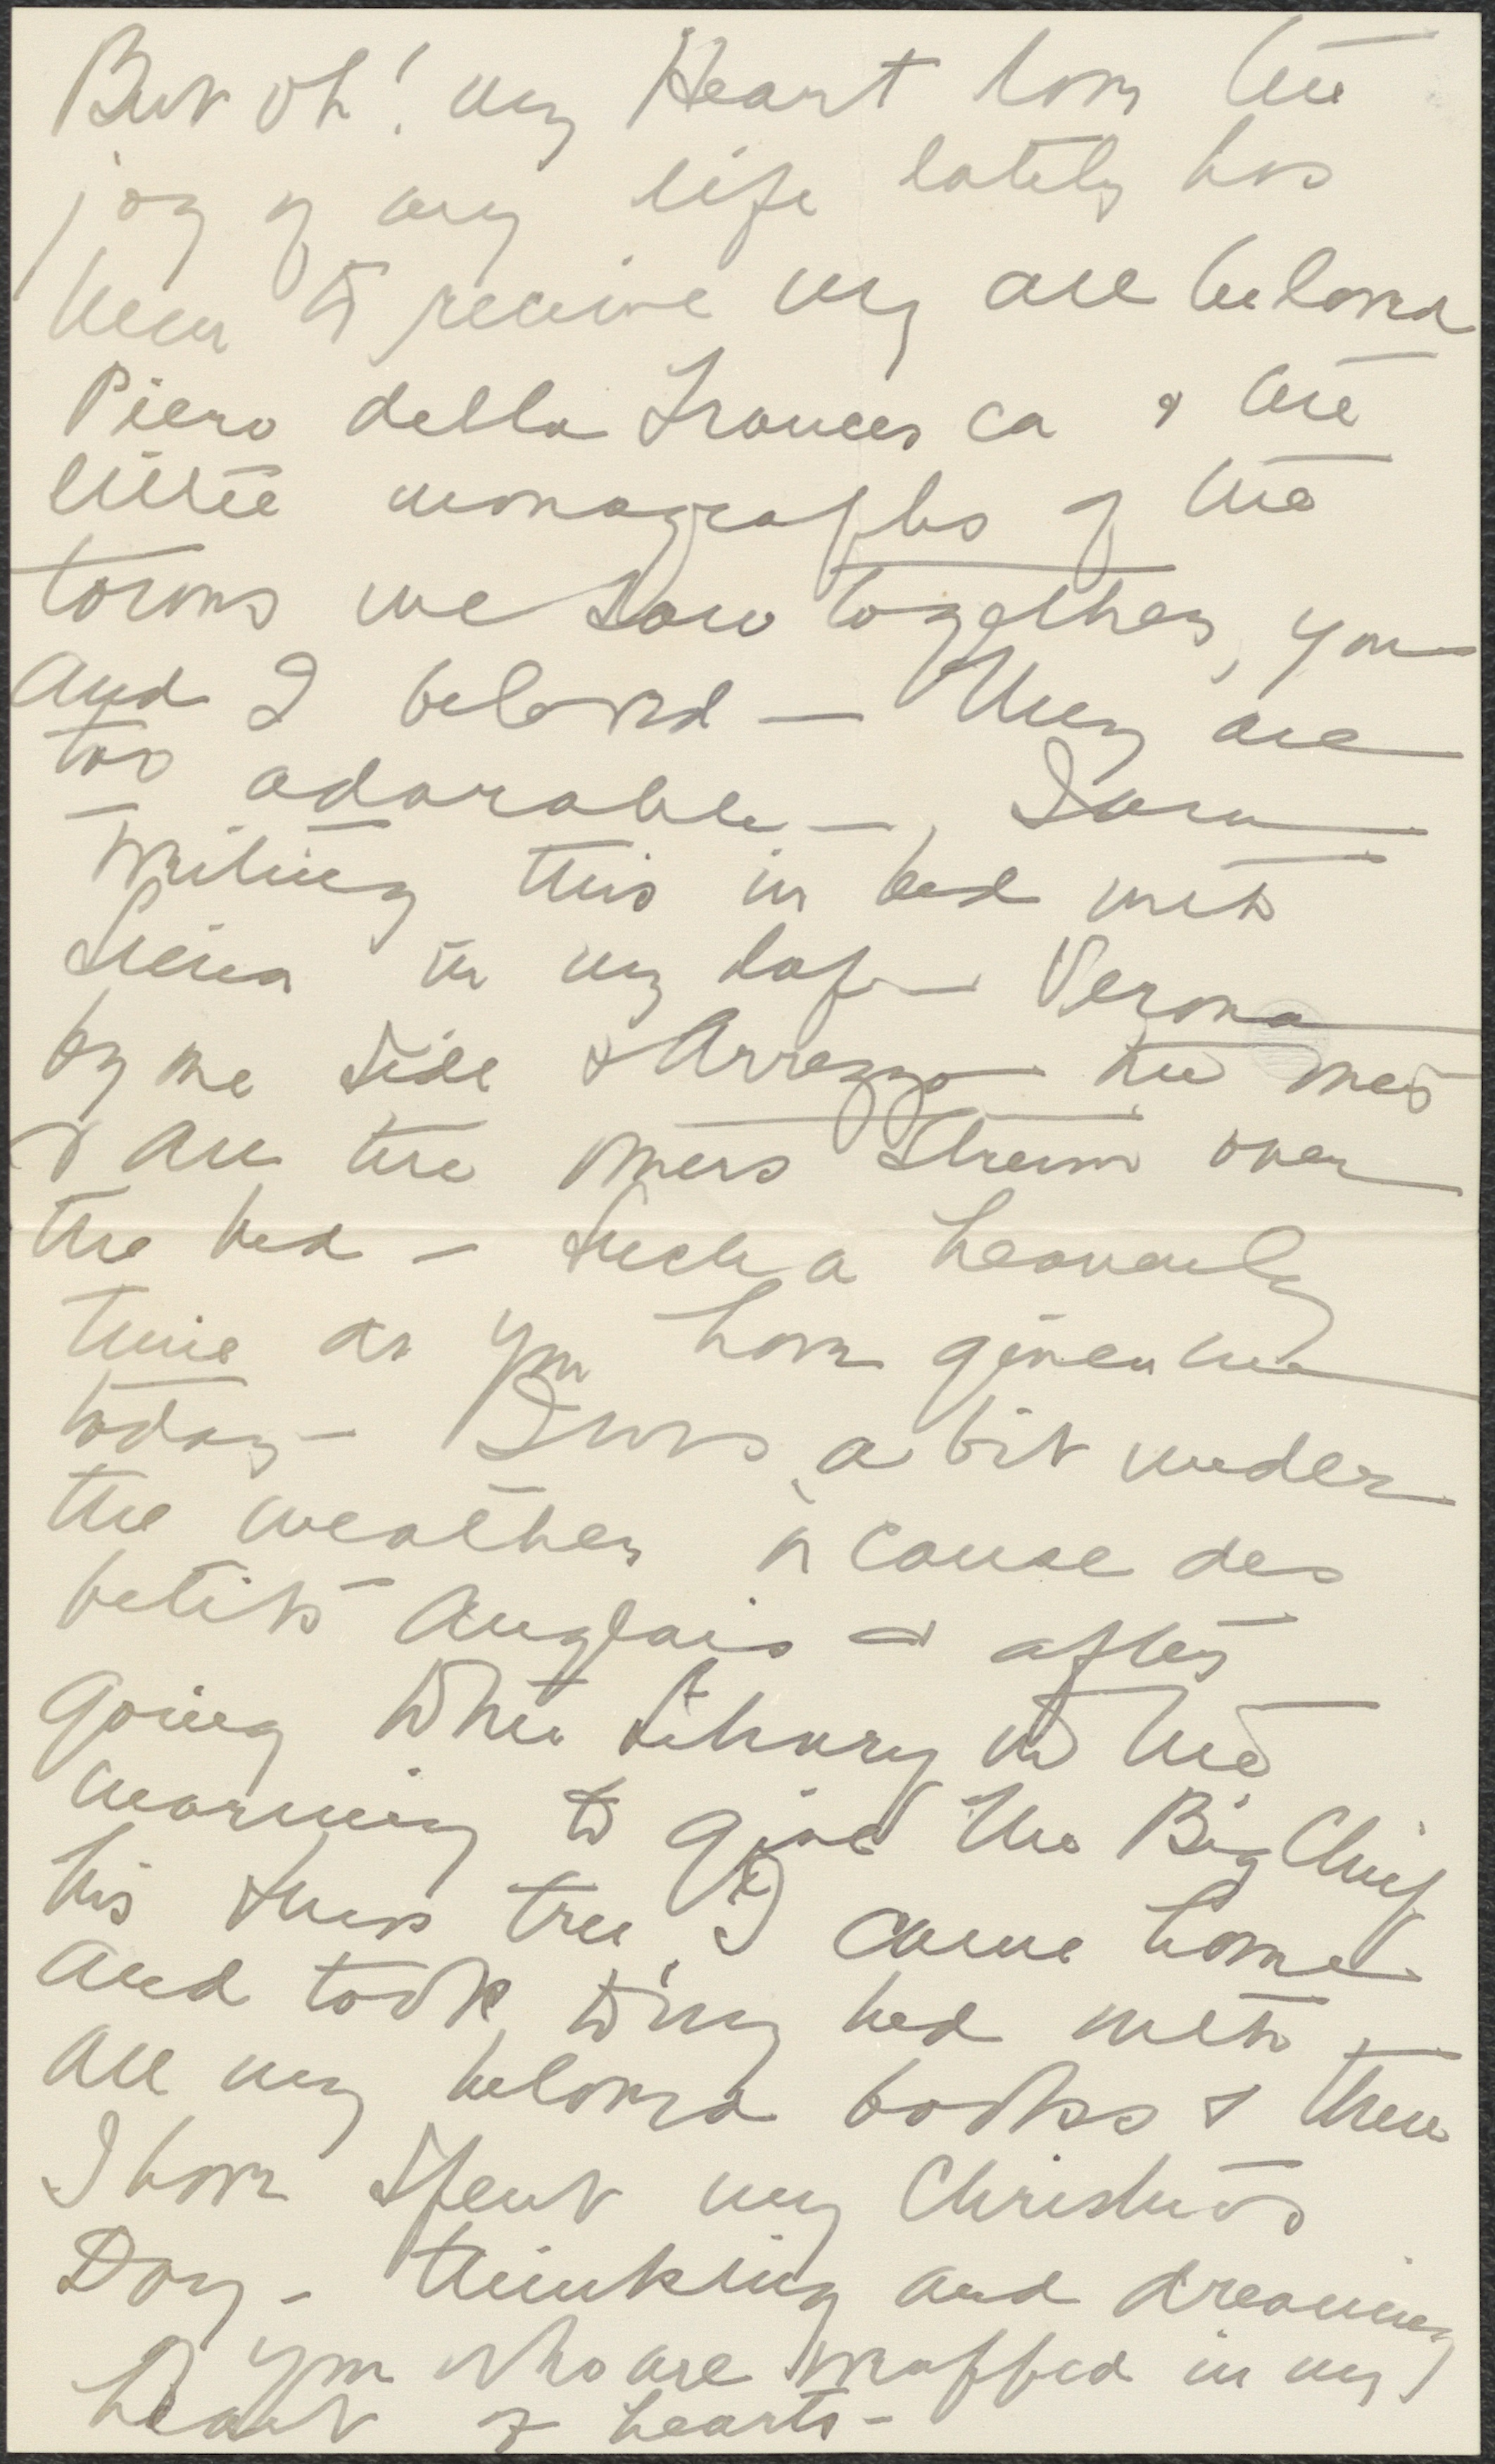But oh! my Heart love the joy of my life lately has been to receive my all beloved Piero della Francesca & the little monographs of the towns we saw together, you and I beloved – They are too adorable – I am writing this in bed with Siena in my lap – Verona by one side & Arrezzo the other & all the others strewn over the bed – such a heavenly time as you have given me today – I was a bit under the weather à cause des petits Anglais & after going to the Library in the morning to give the Big Chief his Xmas tree, I came home and took to my bed with all my beloved books & then I have spent my Christmas Day – thinking and dreaming of you who are wrapped in my heart of hearts –